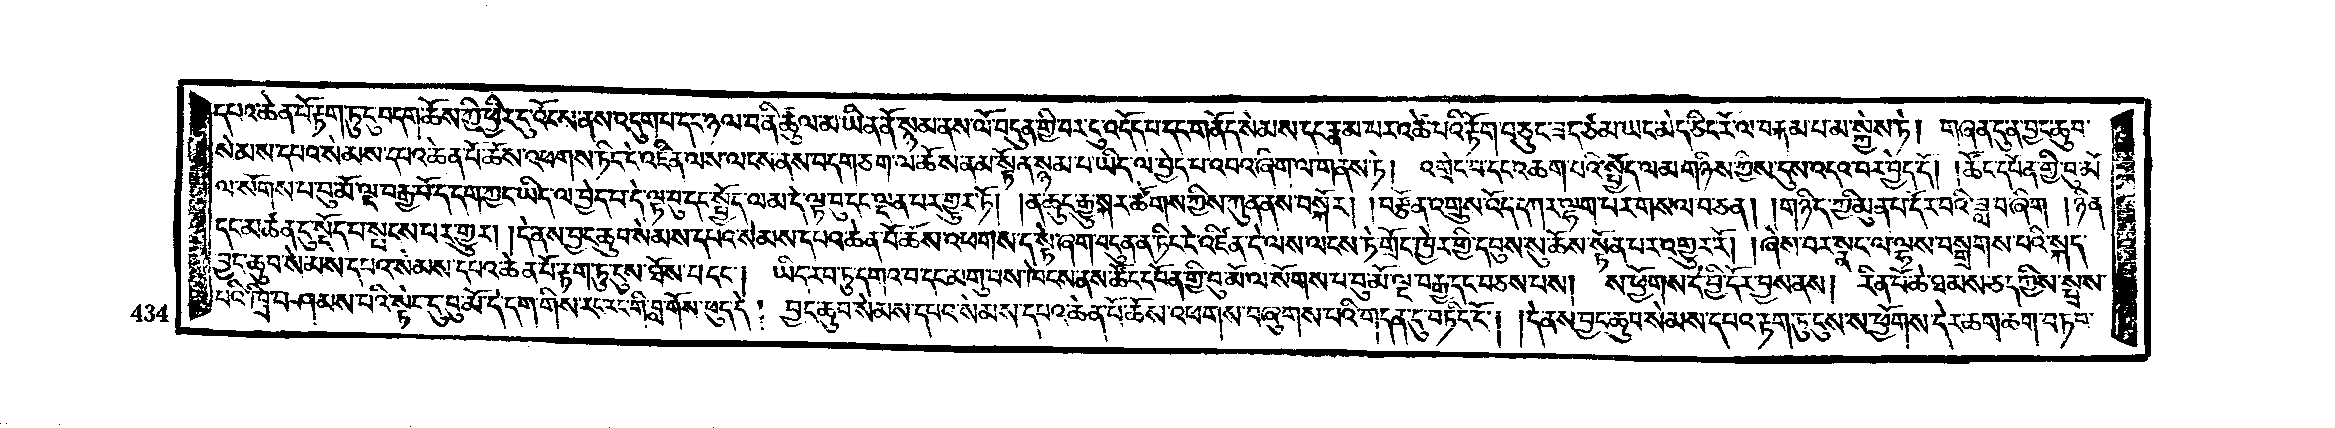དཔའ་ཆེན་པོ་རྟག་ཏུ་ངུ་བདག་ཆོས་ཀྱི་ཕྱིར་དུ་འོངས་ནས་འདུག་པ་དང་ཉལ་བ་ནི་ཚུལ་མ་ཡིན་ནོ་སྙམ་ནས་ལོ་བདུན་གྱི་བར་དུ་འདོད་པ་དང་གནོད་སེམས་དང་རྣམ་པར་འཚེ་བའི་རྟོག་པ་ཅུང་ཟད་ཙམ་ཡང་མེད་ཅིང་རོ་ལ་བརྐམ་པ་མ་སྐྱེས་ཏེ། གཞན་དུ་ན་བྱང་ཆུབ་
སེམས་དཔའ་སེམས་དཔའ་ཆེན་པོ་ཆོས་འཕགས་ཏིང་ངེ་འཛིན་ལས་ལངས་ནས་བདག་ཅག་ལ་ཆོས་ནམ་སྟོན་སྙམ་པ་ཡིད་ལ་བྱེད་པ་འབའ་ཞིག་ལ་གནས་ཏེ། འགྲེང་བ་དང་འཆག་པའི་སྤྱོད་ལམ་གཉིས་ཀྱིས་དུས་འདའ་བར་བྱེད་དོ། །ཚོང་དཔོན་གྱི་བུ་མོ་
ལ་སོགས་པ་བུ་མོ་ལྔ་བརྒྱ་པོ་དེ་དག་ཀྱང་ཡིད་ལ་བྱེད་པ་དེ་ལྟ་བུ་དང་སྤྱོད་ལམ་དེ་ལྟ་བུ་དང་ལྡན་པར་གྱུར་ཏོ། །ན་ཆུང་རྒྱུ་སྐར་ཚོགས་ཀྱིས་ཀུན་ནས་བསྐོར། །བརྩོན་འགྲུས་འོད་དཀར་ལྷག་པར་གསལ་བ་ཅན། །གཉིད་ཀྱི་མུན་པ་དོར་བའི་ཟླ་བ་ཞིག །ཉིན་
དང་མཚན་དུ་སྡོད་པ་སྤངས་པར་གྱུར། །དེ་ནས་བྱང་ཆུབ་སེམས་དཔའ་སེམས་དཔའ་ཆེན་པོ་ཆོས་འཕགས་ད་སྟེ་ཞག་བདུན་ན་ཏིང་ངེ་འཛིན་དེ་ལས་ལངས་ཏེ་གྲོང་ཁྱེར་གྱི་དབུས་སུ་ཆོས་སྟོན་པར་འགྱུར་རོ། །ཞེས་པར་སྣང་ལ་ལྷས་བསྒྲགས་པའི་སྐད་
བྱང་ཆུབ་སེམས་དཔའ་སེམས་དཔའ་ཆེན་པོ་རྟག་ཏུ་ངུས་ཐོས་པ་དང་། ཡིད་རབ་ཏུ་དགའ་བ་དང་མགུ་བས་ཁེངས་ནས་ཚོང་དཔོན་གྱི་བུ་མོ་ལ་སོགས་པ་བུ་མོ་ལྔ་བརྒྱ་དང་བཅས་པས། ས་ཕྱོགས་དེ་བྱི་དོར་བྱས་ནས། རིན་པོ་ཆེ་ཐམས་ཅད་ཀྱིས་སྤྲས་
པའི་ཁྲི་བཤམས་པའི་སྟེང་དུ་བུ་མོ་དེ་དག་གིས་རང་རང་གི་བླ་གོས་ཕུད་དེ། བྱང་ཆུབ་སེམས་དཔའ་སེམས་དཔའ་ཆེན་པོ་ཆོས་འཕགས་བཞུགས་པའི་གདན་དུ་བཏིང་ངོ། །དེ་ནས་བྱང་ཆུབ་སེམས་དཔའ་རྟག་ཏུ་ངུས་ས་ཕྱོགས་དར་ཆག་ཆག་བཏབ་